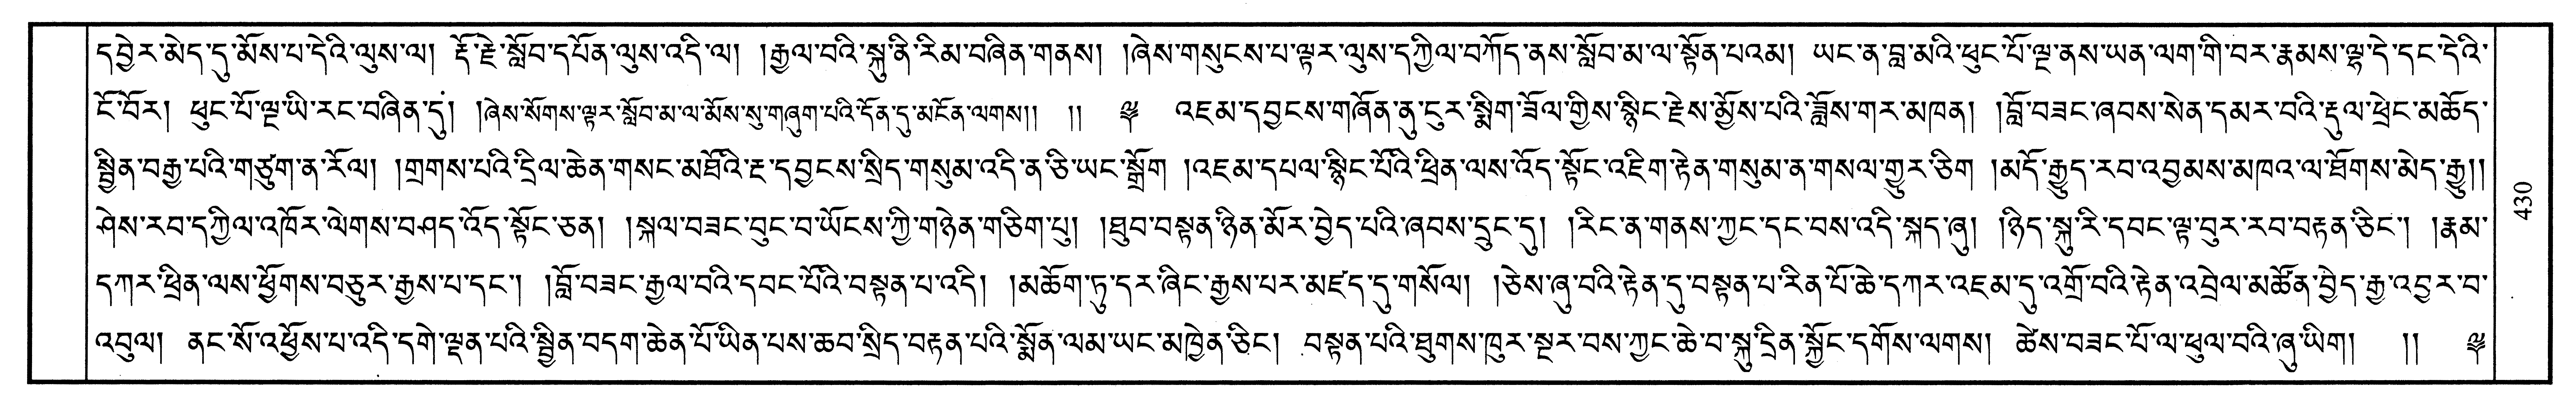དབྱེར་མེད་དུ་མོས་པ་དེའི་ལུས་ལ། རྡོ་རྗེ་སློབ་དཔོན་ལུས་འདི་ལ། །རྒྱལ་བའི་སྐུ་ནི་རིམ་བཞིན་གནས། །ཞེས་གསུངས་པ་ལྟར་ལུས་དཀྱིལ་བཀོད་ནས་སློབ་མ་ལ་སྟོན་པའམ། ཡང་ན་བླ་མའི་ཕུང་པོ་ལྔ་ནས་ཡན་ལག་གི་བར་རྣམས་ལྷ་དེ་དང་དེའི་
ངོ་བོར། ཕུང་པོ་ལྔ་ཡི་རང་བཞིན་དུ། །ཞེས་སོགས་ལྟར་སློབ་མ་ལ་མོས་སུ་གཞུག་པའི་དོན་དུ་མངོན་ལགས།། །། ༈ འཇམ་དབྱངས་གཞོན་ནུ་ངུར་སྨིག་ཟོལ་གྱིས་སྙིང་རྗེས་མྱོས་པའི་ཟློས་གར་མཁན། །བློ་བཟང་ཞབས་སེན་དམར་བའི་རྡུལ་ཕྲེང་མཆོད་
སྦྱིན་བརྒྱ་པའི་གཙུག་ན་རོལ། །གྲགས་པའི་དྲིལ་ཆེན་གསང་མཐོའི་རྔ་དབྱངས་སྲིད་གསུམ་འདི་ན་ཅི་ཡང་སྒྲོག །འཇམ་དཔལ་སྙིང་པོའི་ཕྲིན་ལས་འོད་སྟོང་འཇིག་རྟེན་གསུམ་ན་གསལ་གྱུར་ཅིག །མདོ་རྒྱུད་རབ་འབྱམས་མཁའ་ལ་ཐོགས་མེད་རྒྱུ།།
ཤེས་རབ་དཀྱིལ་འཁོར་ལེགས་བཤད་འོད་སྟོང་ཅན། །སྐལ་བཟང་བུང་བ་ཡོངས་ཀྱི་གཉེན་གཅིག་པུ། །ཐུབ་བསྟན་ཉིན་མོར་བྱེད་པའི་ཞབས་དྲུང་དུ། །རིང་ན་གནས་ཀྱང་དང་བས་འདི་སྐད་ཞུ། །ཉིད་སྐུ་རི་དབང་ལྟ་བུར་རབ་བརྟན་ཅིང་། །རྣམ་
དཀར་ཕྲིན་ལས་ཕྱོགས་བཅུར་རྒྱས་པ་དང་། །བློ་བཟང་རྒྱལ་བའི་དབང་པོའི་བསྟན་པ་འདི། །མཆོག་ཏུ་དར་ཞིང་རྒྱས་པར་མཛད་དུ་གསོལ། །ཅེས་ཞུ་བའི་རྟེན་དུ་བསྟན་པ་རིན་པོ་ཆེ་དཀར་འཇམ་དུ་འགྲོ་བའི་རྟེན་འབྲེལ་མཚོན་བྱེད་རྒྱ་འབྱར་བ་
འབུལ། ནང་སོ་འཕྱོས་པ་འདི་དགེ་ལྡན་པའི་སྦྱིན་བདག་ཆེན་པོ་ཡིན་པས་ཆབ་སྲིད་བརྟན་པའི་སྨོན་ལམ་ཡང་མཁྱེན་ཅིང་། བསྟན་པའི་ཐུགས་ཁུར་སྔར་བས་ཀྱང་ཆེ་བ་སྐུ་དྲིན་སྐྱོང་དགོས་ལགས། ཚེས་བཟང་པོ་ལ་ཕུལ་བའི་ཞུ་ཡིག ། །། ༈